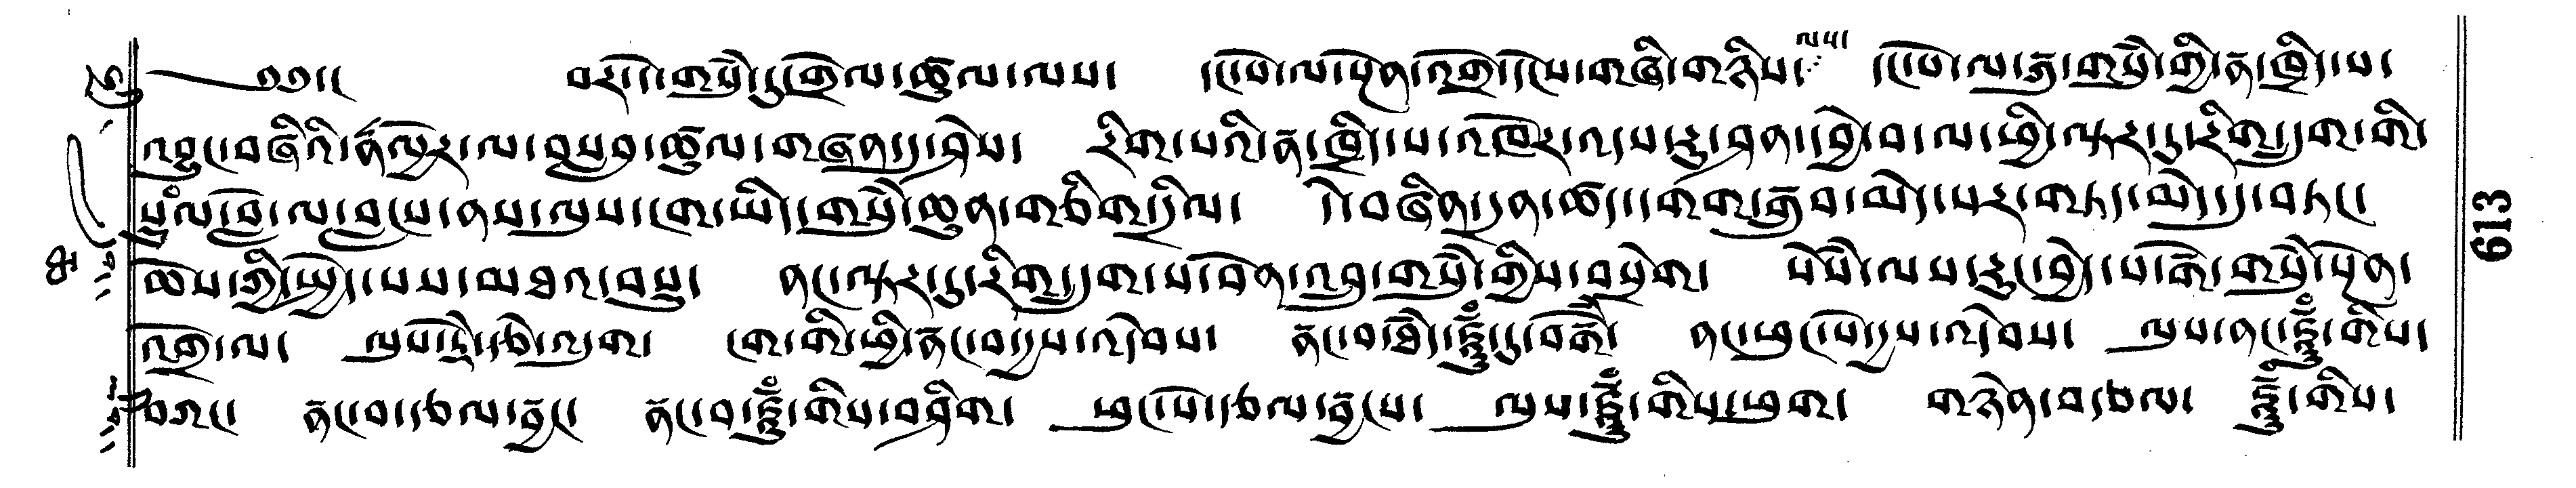བར་དོ་གསུམ་དུ་གྲོལ་ཚུལ་ལས། དང་པོ་ལ་སྔོན་འགྲོ་དངོས་གཞི་གཉིས་ལས། དང་པོ་ལ་སྐུ་གསུམ་གྱི་སྣ་ཁྲིད་པ་
འབྱུང་བཞིའི་རྣལ་འབྱོར་ལ་བསླབ་ཚུལ་གཞན་དུ་ཤེས། རིག་པའི་སྣ་ཁྲིད་པ་འཁོར་འདས་རུ་ཤན་དབྱེ་བ་ལ་ཕྱི་ལྟར་དུ་རིགས་དྲུག་གི་
སྡུག་བསྔལ་བློ་ལ་བླངས་ནས་ལུས་ངག་ཡིད་གསུམ་ཆུན་གཅིག་དྲིལ། དེ་བཞིན་དྲན་ཚད་དགག་སྒྲུབ་མེད་པར་གཏད་མེད་དུ་བཏང་། 
ཆོས་ཀྱི་སྤྱོད་པས་མཐའ་བསྡུ། ནང་ལྟར་དུ་རིགས་དྲུག་ས་བོན་འབྲུ་གསུམ་གྱིས་བསྲེག སེམས་ལས་རུང་བྱེད་པ་སྒོ་གསུམ་སྔོན་
འགྲོ་ལ། ལུས་རྡོ་རྗེ་རྩེ་འདུག ངག་གི་ཕྱི་སྣང་བ་རྒྱས་འདེབས། སྣང་བ་ཐམས་ཅད་ཧཱུྃ་དུ་བསྒོམ། ནང་ཕུང་པོ་རྒྱས་འདེབས། ལུས་ནང་ཧཱུྃ་གིས་
བཀང་།སྣང་བ་རྩལ་སྦྱང་། སྣང་བ་ཧཱུྃ་གིས་བཤིག ཕུང་པོ་རྩལ་སྦྱངས། ལུས་ཧཱུྃ་གིས་ཕུག གཉེན་བཙལ། ཧཱུྃ་གིས་